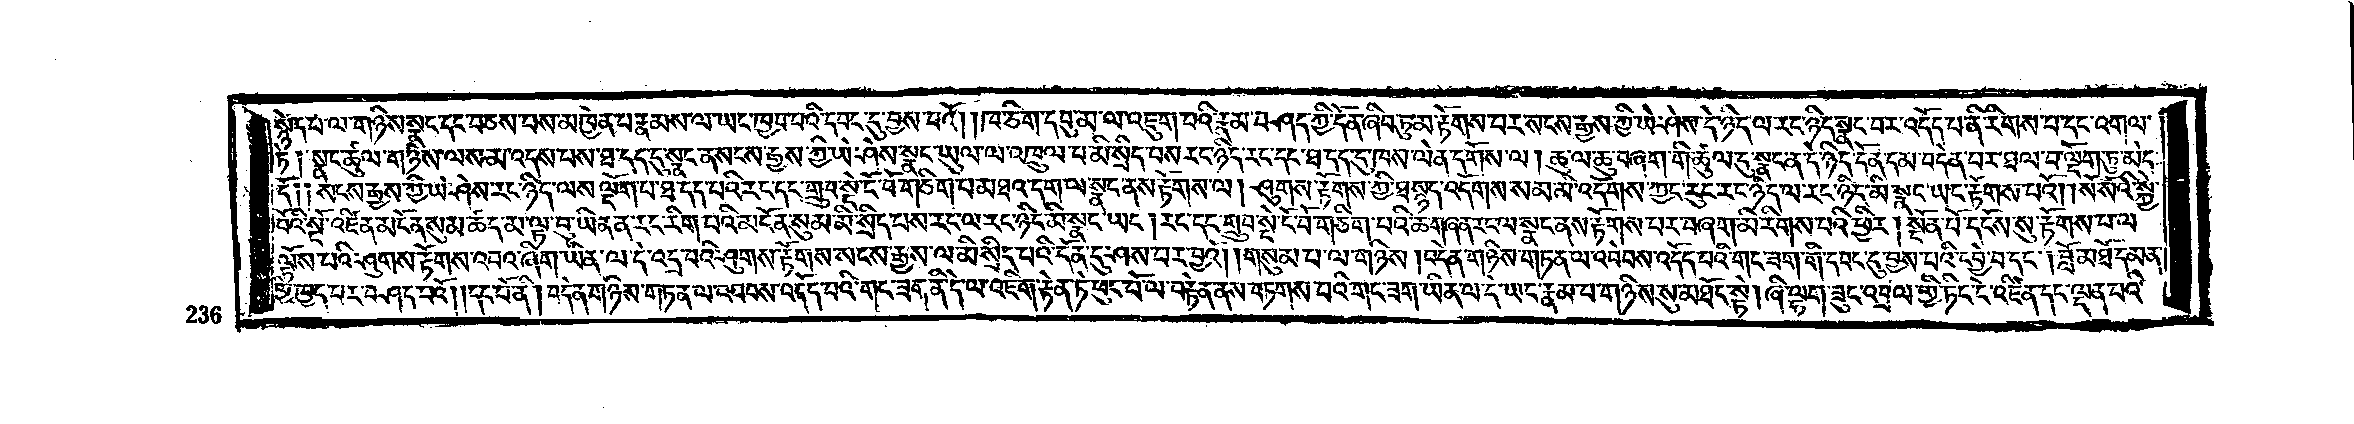སྙེད་པ་ལ་གཉིས་སྣང་དང་བཅས་པས་མཁྱེན་པ་རྣམས་ལ་ཡང་ཁྱབ་པའི་དབང་དུ་བྱས་པའོ། །ཁ་ཅིག་དབུ་མ་ལ་འཇུག་པའི་རྣམ་བཤད་ཀྱི་དོན་ཞིབ་ཏུ་མ་རྟོགས་པར་སངས་རྒྱས་ཀྱི་ཡེ་ཤེས་དེ་ཉིད་ལ་རང་ཉིད་སྣང་བར་འདོད་པ་ནི་རིགས་པ་དང་འགལ་
ཏེ༑ སྣང་ཚུལ་གཉིས་ལས་མ་འདས་པས་ཐ་དད་དུ་སྣང་ན་སངས་རྒྱས་ཀྱི་ཡེ་ཤེས་སྣང་ཡུལ་ལ་འཁྲུལ་པ་མི་སྲིད་པས་རང་ཉིད་རང་དང་ཐ་དད་དུ་ཁས་ལེན་དགོས་ལ། ཆུ་ལ་ཆུ་བཞག་གི་ཚུལ་དུ་སྣང་ན་དེ་ཉིད་དོན་དམ་བདེན་པར་ཐལ་བ་ལྡོག་ཏུ་མེད་
དོ༑ ༑སངས་རྒྱས་ཀྱི་ཡེ་ཤེས་རང་ཉིད་ལས་ལྡོག་པ་ཐ་དད་པའི་རང་དང་གྲུབ་སྡེ་ངོ་བོ་གཅིག་པ་མཐའ་དག་ལ་སྣང་ནས་རྟོགས་ལ། ཤུགས་རྟོགས་ཀྱི་ཐ་སྙད་འདོགས་སམ་མི་འདོགས་ཀྱང་རུང་རང་ཉིད་ལ་རང་ཉིད་མི་སྣང་ཡང་རྟོགས་པའོ། །སོ་སོའི་སྐྱེ་
བོའི་སྔོ་འཛིན་མངོན་སུམ་ཚད་མ་ལྟ་བུ་ཡིན་ན་རང་རིག་པའི་མངོན་སུམ་མི་སྲིད་པས་རང་ལ་རང་ཉིད་མི་སྣང་ཡང་། རང་དང་གྲུབ་སྡེ་ངོ་བོ་གཅིག་པའི་ཆ་གཞན་རང་ལ་སྣང་ནས་རྟོགས་པར་བཞག་མི་རིགས་པའི་ཕྱིར། སྔོན་པོ་དངོས་སུ་རྟོགས་པ་ལ་
ལྟོས་པའི་ཤུགས་རྟོགས་འབའ་ཞིག་ཡིན་ལ་དེ་འདྲ་བའི་ཤུགས་རྟོགས་སངས་རྒྱས་ལ་མི་སྲིད་པའི་དོན་དུ་ཤེས་པར་བྱའོ། །གསུམ་པ་ལ་གཉིས། བདེན་གཉིས་གཏན་ལ་འབེབས་འདོད་པའི་གང་ཟག་གི་དབང་དུ་བྱས་པའི་དབྱེ་བ་དང་། བློ་མཐོ་དམན་
ཀྱི་ཁྱད་པར་བཤད་པའོ། །དང་པོ་ནི། བདེན་གཉིས་གཏན་ལ་འབབས་འདོད་པའི་གང་ཟག་ནི་དེ་ལ་འཇིག་རྟེན་ཏེ་ཕུང་པོ་ལ་བརྟེན་ནས་བཏགས་པའི་གང་ཟག་ཡིན་ལ་དེ་ཡང་རྣམ་པ་གཉིས་སུ་མཐོང་སྟེ། ཞི་ལྷག་ཟུང་འབྲེལ་གྱི་ཏིང་ངེ་འཛིན་དང་ལྡན་པའི་